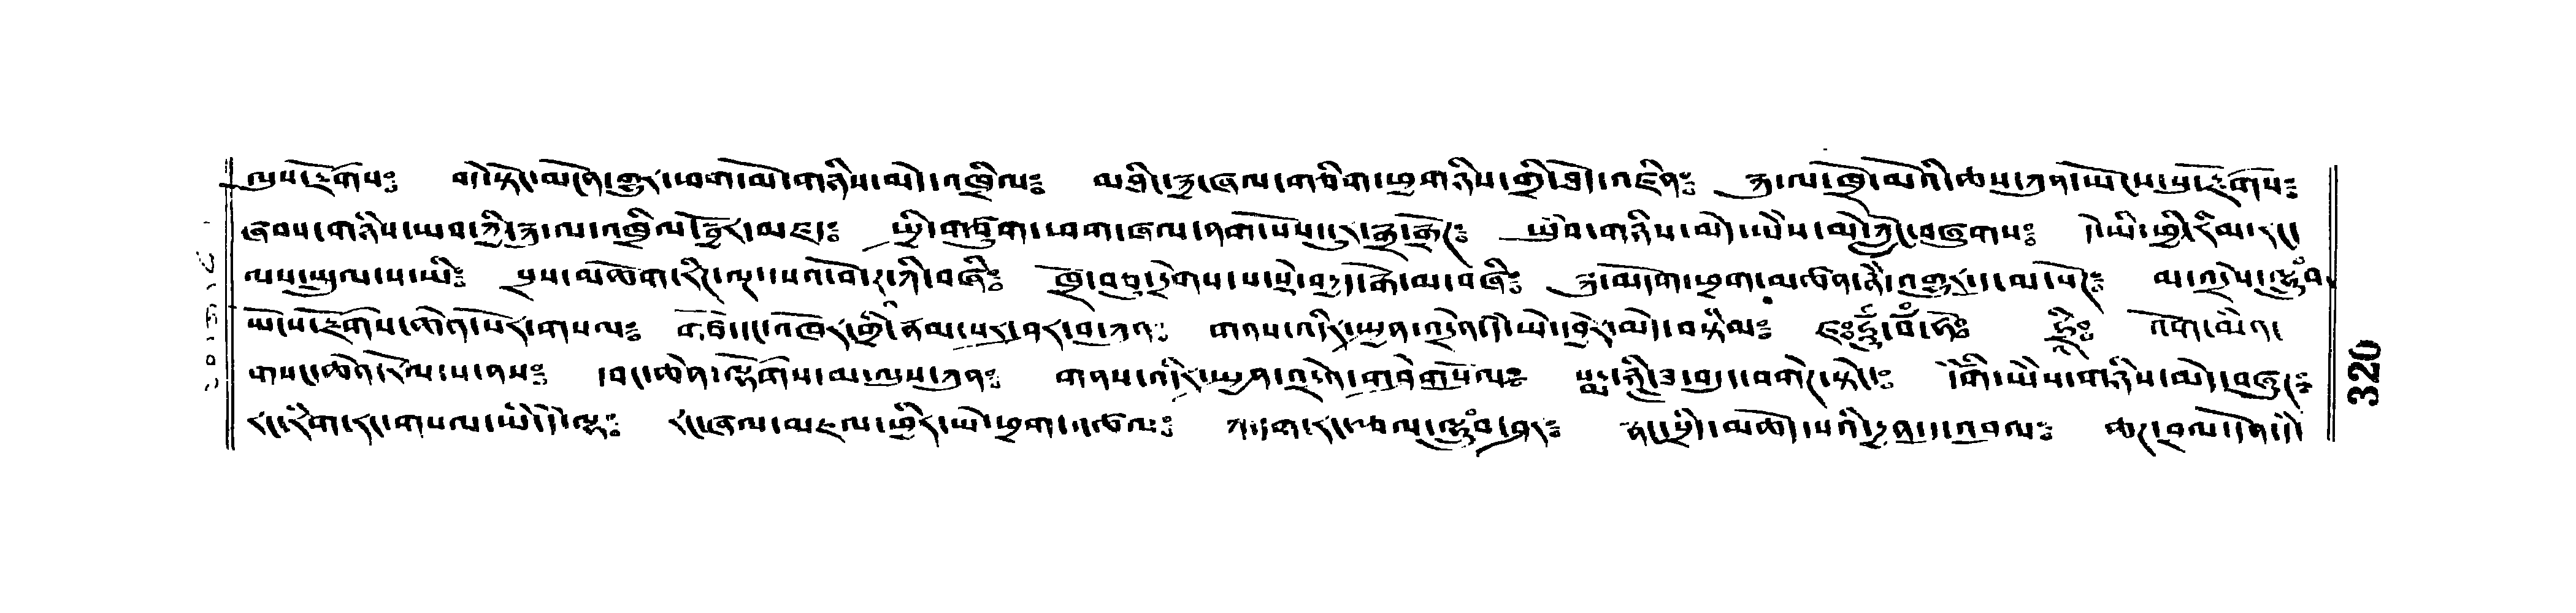ལུས་རྫོགས༔ བདེ་སྟོང་མངོན་གྱུར་ཕག་མོ་གཉིས་མེད་འཁྲིལ༔ མཐིང་སྐྱ་ཞལ་གཅིག་ཕྱག་གཉིས་གྲི་ཐོད་འཛིན༔ སྐུ་ལ་ཁྲོ་མོའི་ཆས་ཀུན་ཡོངས་སུ་རྫོགསཿ 
ཞབས་གཉིས་ཡབ་ཀྱི་སྐུ་ལ་འཁྲིལ་སྦྱོར་མཛད༔ སྤྱི་གཙུག་ཕག་ཞལ་ནག་པོས་ངུར་སྒྲ་སྒྲོག༔ ཡབ་ཡུམ་གཉིས་མེད་ཡེ་ཤེས་མེ་ཀློང་བཞུགས༔ དེ་ཡི་ཕྱི་རིམ་རང་
ལས་སྤྲུལ་པ་ཡི༔ སྲས་མཆོག་རིགས་ལྔ་དཔའ་བོ་ཌཱ་ཀི་བཞི༔ ཁྲོ་བཅུ་དྲེགས་པ་སྡེ་བརྒྱད་སྒོ་མ་བཞི༔ སྐུ་མདོག་ཕྱག་མཚན་རྣམ་འགྱུར་དུ་མ་སོགས༔ མ་འདྲེས་ལྷུན་གྲུབ་
ཡོངས་རྫོགས་ཆེན་པོར་གསལ༔ གཙོ་དང་འཁོར་གྱི་རྣམ་པར་ཤར་བ་ཀུན༔ གནས་འདིར་སྤྱན་འདྲེན་དམ་ཡེ་དབྱེར་མེད་བསྟིམ༔ ཛཿཧཱུྃ་བྃ་ཧོཿ ཧྲཱིཿ འོག་མིན་
གསང་ཆེན་རོལ་པ་ནས༔དབང་ཆེནལྷ་ཚོགས་མ་ལུས་ཀུན༔ གནས་འདིར་སྤྱན་འདྲེན་གཤེགས་སུ་གསོལ༔ པདྨ་ཉི་ཟླ་བདུད་བགེགས་སྟེང༔ དམ་ཚིག་ཡེ་ཤེས་གཉིས་མེད་བཞུགས༔ 
རང་རིག་རང་གསལ་ཡི་དམ་ལྷ༔ རང་ཞལ་མཇལ་ཕྱིར་ཡེ་ཕྱག་འཚལ༔ ཀ་དག་རང་རྩལ་ལྷུན་གྲུབ་ཤར༔ སྣང་སྲིད་མཆོད་པའི་རྒྱན་དུ་འབུལ༔ ཆགས་བྲལ་དོན་དམ་